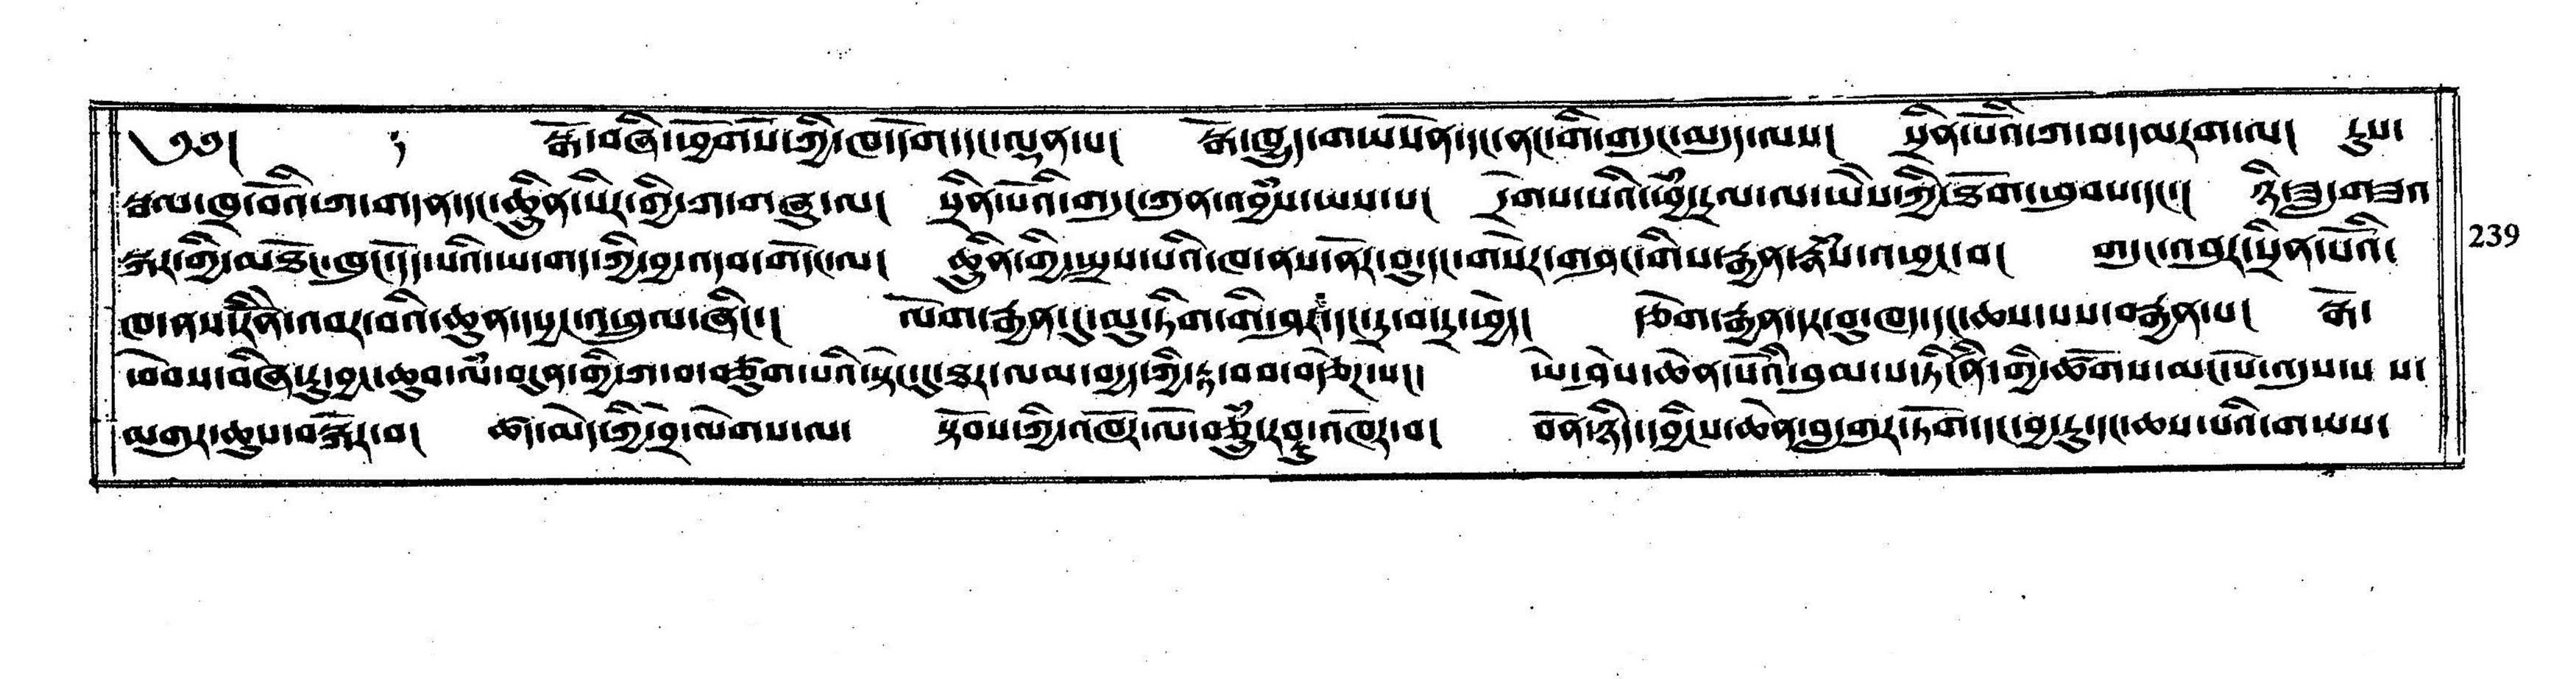སྒོ་བཞི་ཕྱོགས་ཕྱོགས་ཀྱི་ཁ་དོག་དང་ལྡན་པ། སྒོ་ཁྱུད་གཡས་གཡོན་དང་ནང་གི་གདུང་མདུད་ལས། སྲིན་པོའི་ཀ་བ་དམར་ནག་ལ། རུས་
སྦལ་ཁྲ་བོའི་ཀ་གདན་དང་ཆུ་སྲིན་པིར་གྱི་ཀ་གཞུ་ལ། སྲིན་པོའི་གདུང་ཀུན་འབྱམས་ཡས་པ། དྲེགས་པའི་ཕྱམ་དྲལ་ལ་ཡེ་ཤེས་ཀྱི་ཐོག་ཕུབས་དང་། ཉི་ཟླ་གཟའ་
སྐར་གྱི་མཐོང་ཁུང་དོད་པའི་ཡ་གད་ཀྱི་བྱ་འདབ་གདོང་ལ། ཆུ་སྲིན་གྱི་སྤྲས་པའི་ཁ་ནས་ནོར་བུ་དང་གསེར་གཤང་གིས་རྒྱན་རྣམས་འཕྱང་བ། གདུང་འབུར་སྲིན་པོའི་
ཁ་ནས་རིན་པོ་ཆེ་འབར་བའི་ཆུན་དཔྱང་འཕྲུལ་ཞིང་། ལོག་རྒྱན་དུ་མུ་ཏིག་གི་ཤར་བུ་དང་དྲ་བ་དྲ་ཕྱེད། རྩེག་རྒྱན་དར་བུ་ཁད་དང་ཆས་པས་བརྒྱན་པ། སྒོ་
ཕེབས་བཞི་རུ་བྱང་ཆུབ་ལམ་བདུན་གྱི་ཀ་བ་བཙུག་པའི་སྟེང་དུ་ཐར་ལམ་བརྒྱད་ཀྱི་རྟ་བབ་བརྩེགས་པ། ཡེ་ཤེས་ཆེན་པོའི་བུམ་པ་ཏིང་འཛིན་གྱི་ཚོགས་མང་པོ་འདུས་པས་
མགུར་ཆུས་བསྐོར་བ། ཚད་མེད་ཀྱི་བྲེ་ལེགས་ལ། སྟོབས་ཀྱི་འཁོར་ལོ་བཅུ་གསུམ་རབ་ཏུ་འཁོར་བ། བོན་ཉིད་དབྱིངས་ཆེན་བླ་གུར་ཏོག་དང་བྱ་རུ་དང་ཆས་པའི་གཡས་